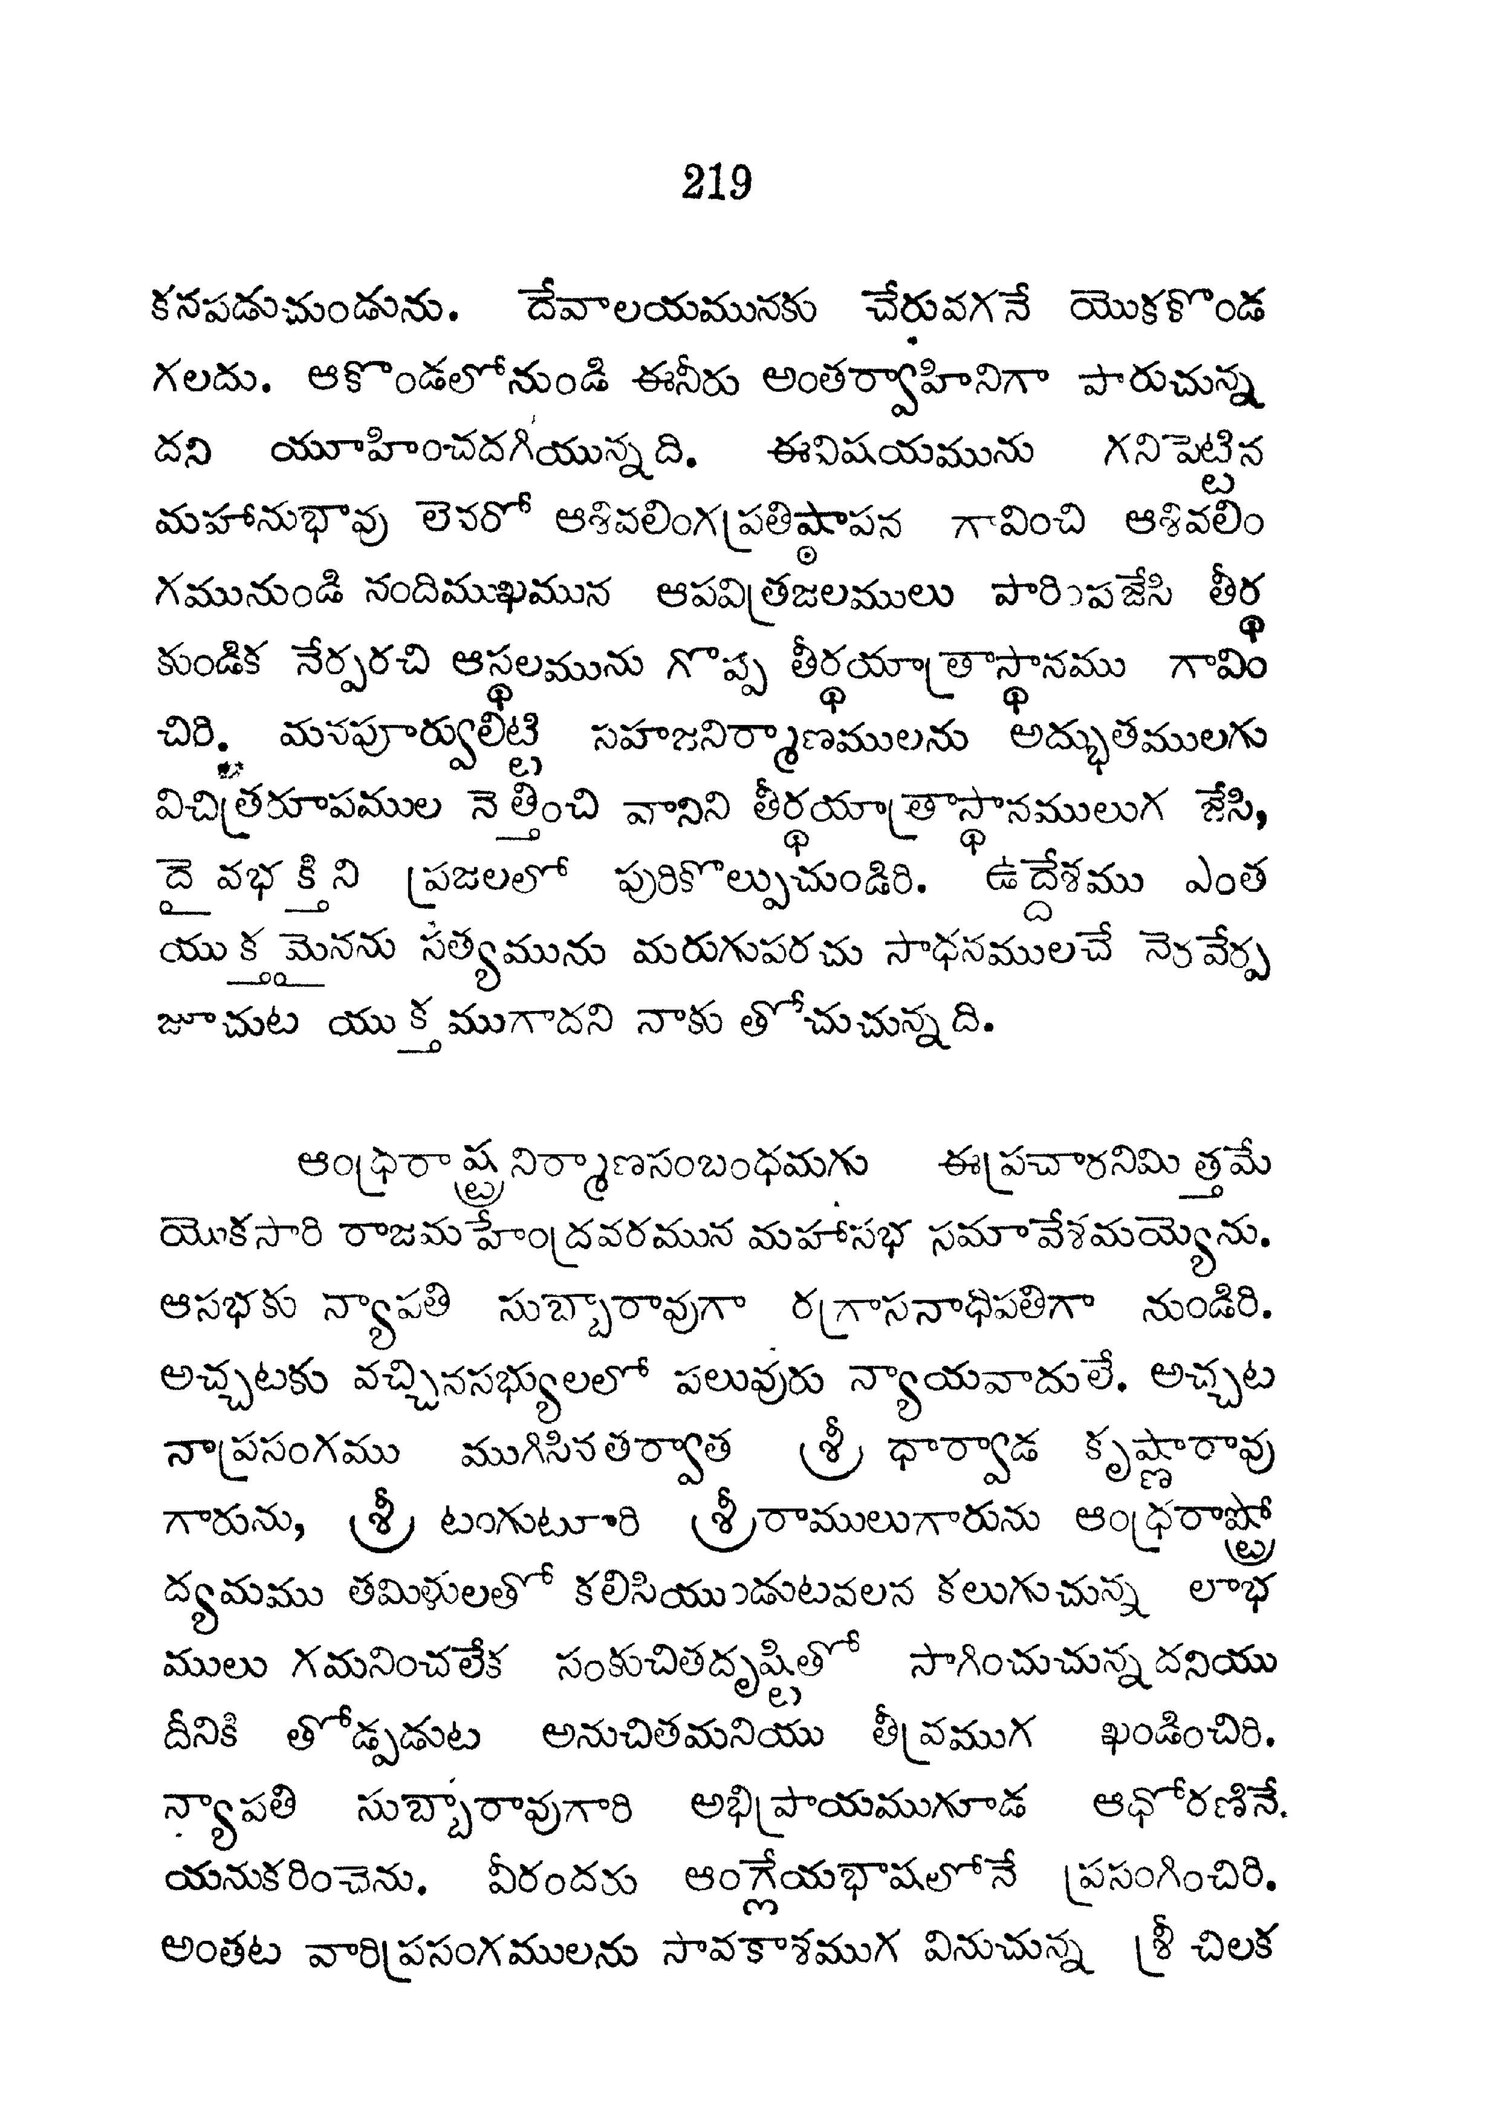కనపడుచుండును. దేవాలయమునకు చేరువగనే యొకకొండ గలదు. ఆకొండలోనుండి ఈనీరు అంతర్వాహినిగా పారుచున్నదని యూహించదగియున్నది. ఈవిషయమును గనిపెట్టిన మహానుభావు లెవరో ఆశివలింగప్రతిష్ఠాపన గావించి ఆశివలింగమునుండి నందిముఖమున ఆపవిత్రజలములు పారింపజేసి తీర్థకుండిక నేర్పరచి ఆస్థలమును గొప్ప తీర్థయాత్రాస్థానము గావించిరి. మనప్పూర్వులిట్టి సహజనిర్మాణములను అద్భుతములగు విచిత్రరూపముల నెత్తించి వానిని తీర్థయాత్రాస్థానములుగ జేసి, దైవభక్తిని ప్రజలలో పురికొల్పుచుండిరి. ఉద్దేశము ఎంత యుక్తమైనను సత్యమును మరుగుపరచు సాధనములచే నెరవేర్ప జూచుట యుక్తముగాదని నాకు తోచుచున్నది.

ఆంధ్రరాష్ట్రనిర్మాణసంబంధమగు ఈప్రచారనిమిత్తమే యొకసారి రాజమహేంద్రవరమున మహాసభ సమావేశమయ్యెను. ఆసభకు న్యాపతి సుబ్బారావుగా రగ్రాసనాధిపతిగా నుండిరి. అచ్చటకు వచ్చినసభ్యులలో పలువురు న్యాయవాదులే. అచ్చట నాప్రసంగము ముగిసినతర్వాత శ్రీధార్వాడ కృష్ణారావుగారును, శ్రీ టంగుటూరి శ్రీరాములుగారును ఆంధ్రరాష్ట్రోద్యమము తమిళులతో కలిసియుండుటవలన కలుగుచున్న లాభములు గమనించలేక సంకుచితదృష్టితో సాగించుచున్నదనియు దీనికి తోడ్పడుట అనుచితమనియు తీవ్రముగ ఖండించిరి. న్యాపతి సుబ్బారావుగారి అభిప్రాయముగూడ ఆధోరణినే, యనుకరించెను. వీరందరు ఆంగ్లేయభాషలోనే ప్రసంగించిరి. అంతట వారిప్రసంగములను సావకాశముగ వినుచున్న శ్రీ చిలక